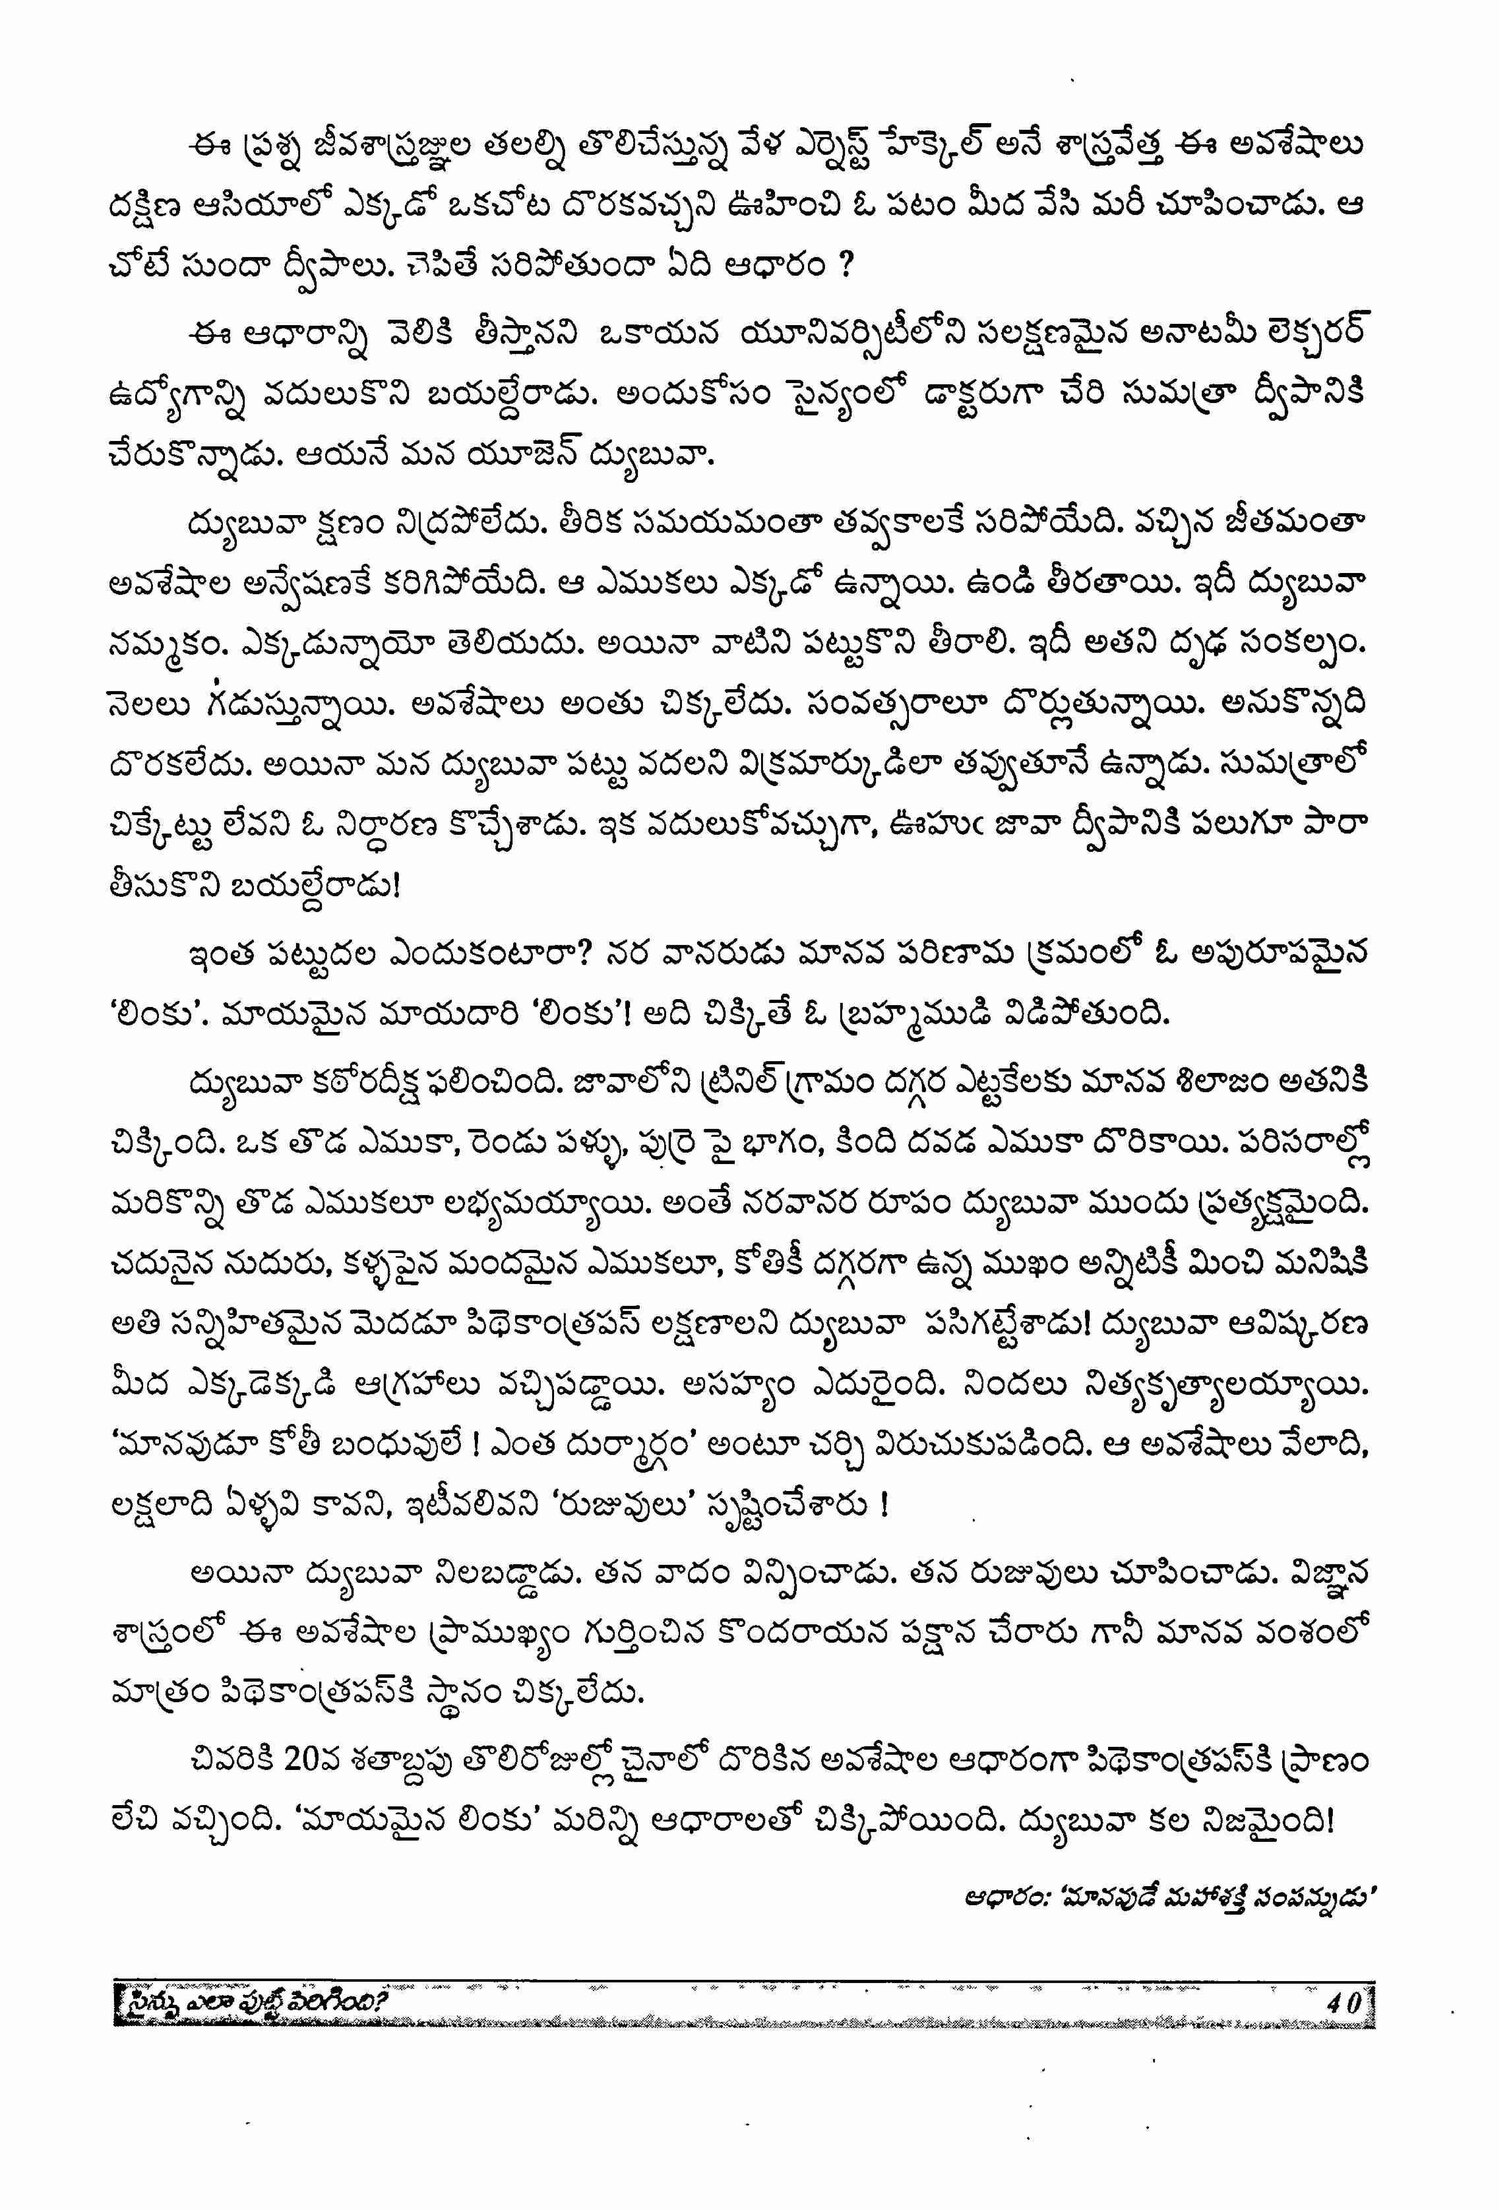ఈ ప్రశ్న జీవశాస్త్రజ్ఞుల తలల్ని తొలిచేస్తున్న వేళ ఎర్నెస్ట్ హేక్కెల్ అనే శాస్త్రవేత్త ఈ అవశేషాలు దక్షిణ ఆసియాలో ఎక్కడో ఒకచోట దొరకవచ్చని ఊహించి ఓ పటం మీద వేసి మరీ చూపించాడు. ఆ చోటే సుందా ద్వీపాలు. చెపితే సరిపోతుందా ఏది ఆధారం ?

ఈ ఆధారాన్ని వెలికి తీస్తానని ఒకాయన యూనివర్సిటీలోని సలక్షణమైన అనాటమీ లెక్చరర్ ఉద్యోగాన్ని వదులుకొని బయల్దేరాడు. అందుకోసం సైన్యంలో డాక్టరుగా చేరి సుమత్రా ద్వీపానికి చేరుకొన్నాడు. ఆయనే మన యూజెన్ ద్యుబువా.

ద్యుబువా క్షణం నిద్రపోలేదు. తీరిక సమయమంతా తవ్వకాలకే సరిపోయేది. వచ్చిన జీతమంతా అవశేషాల అన్వేషణకే కరిగిపోయేది. ఆ ఎముకలు ఎక్కడో ఉన్నాయి. ఉండి తీరతాయి. ఇదీ ద్యుబువా నమ్మకం. ఎక్కడున్నాయో తెలియదు. అయినా వాటిని పట్టుకొని తీరాలి. ఇదీ అతని దృఢ సంకల్పం. నెలలు గడుస్తున్నాయి. అవశేషాలు అంతు చిక్కలేదు. సంవత్సరాలూ దొర్లుతున్నాయి. అనుకొన్నది దొరకలేదు. అయినా మన ద్యుబువా పట్టు వదలని విక్రమార్కుడిలా తవ్వుతూనే ఉన్నాడు. సుమత్రాలో చిక్కేట్టు లేవని ఓ నిర్ధారణ కొచ్చేశాడు. ఇక వదులుకోవచ్చుగా, ఊహుఁ జావా ద్వీపానికి పలుగూ పారా తీసుకొని బయల్దేరాడు!

ఇంత పట్టుదల ఎందుకంటారా? నర వానరుడు మానవ పరిణామ క్రమంలో ఓ అపురూపమైన 'లింకు'. మాయమైన మాయదారి 'లింకు'! అది చిక్కితే ఓ బ్రహ్మముడి విడిపోతుంది.

ద్యుబువా కఠోరదీక్ష ఫలించింది. జావాలోని ట్రినిల్ గ్రామం దగ్గర ఎట్టకేలకు మానవ శిలాజం అతనికి చిక్కింది. ఒక తొడ ఎముకా, రెండు పళ్ళు, పుర్రె పై భాగం, కింది దవడ ఎముకా దొరికాయి. పరిసరాల్లో మరికొన్ని తొడ ఎముకలూ లభ్యమయ్యాయి. అంతే నరవానర రూపం ద్యుబువా ముందు ప్రత్యక్షమైంది. చదునైన నుదురు, కళ్ళపైన మందమైన ఎముకలూ, కోతికీ దగ్గరగా ఉన్న ముఖం అన్నిటికీ మించి మనిషికి అతి సన్నిహితమైన మెదడూ పిథెకాంత్రపస్ లక్షణాలని ద్యుబువా పసిగట్టేశాడు! ద్యుబువా ఆవిష్కరణ మీద ఎక్కడెక్కడి ఆగ్రహాలు వచ్చిపడ్డాయి. అసహ్యం ఎదురైంది. నిందలు నిత్యకృత్యాలయ్యాయి. 'మానవుడూ కోతీ బంధువులే ! ఎంత దుర్మార్గం' అంటూ చర్చి విరుచుకుపడింది. ఆ అవశేషాలు వేలాది, లక్షలాది ఏళ్ళవి కావని, ఇటీవలివని 'రుజువులు' సృష్టించేశారు !

అయినా ద్యుబువా నిలబడ్డాడు. తన వాదం విన్పించాడు. తన రుజువులు చూపించాడు. విజ్ఞాన శాస్త్రంలో ఈ అవశేషాల ప్రాముఖ్యం గుర్తించిన కొందరాయన పక్షాన చేరారు గానీ మానవ వంశంలో మాత్రం పీథెకాంత్రపస్‌కి స్థానం చిక్కలేదు.

చివరికి 20వ శతాబ్దపు తొలిరోజుల్లో చైనాలో దొరికిన అవశేషాల ఆధారంగా పిథెకాంత్రపస్‌కి ప్రాణం లేచి వచ్చింది. 'మాయమైన లింకు' మరిన్ని ఆధారాలతో చిక్కిపోయింది. ద్యుబువా కల నిజమైంది!